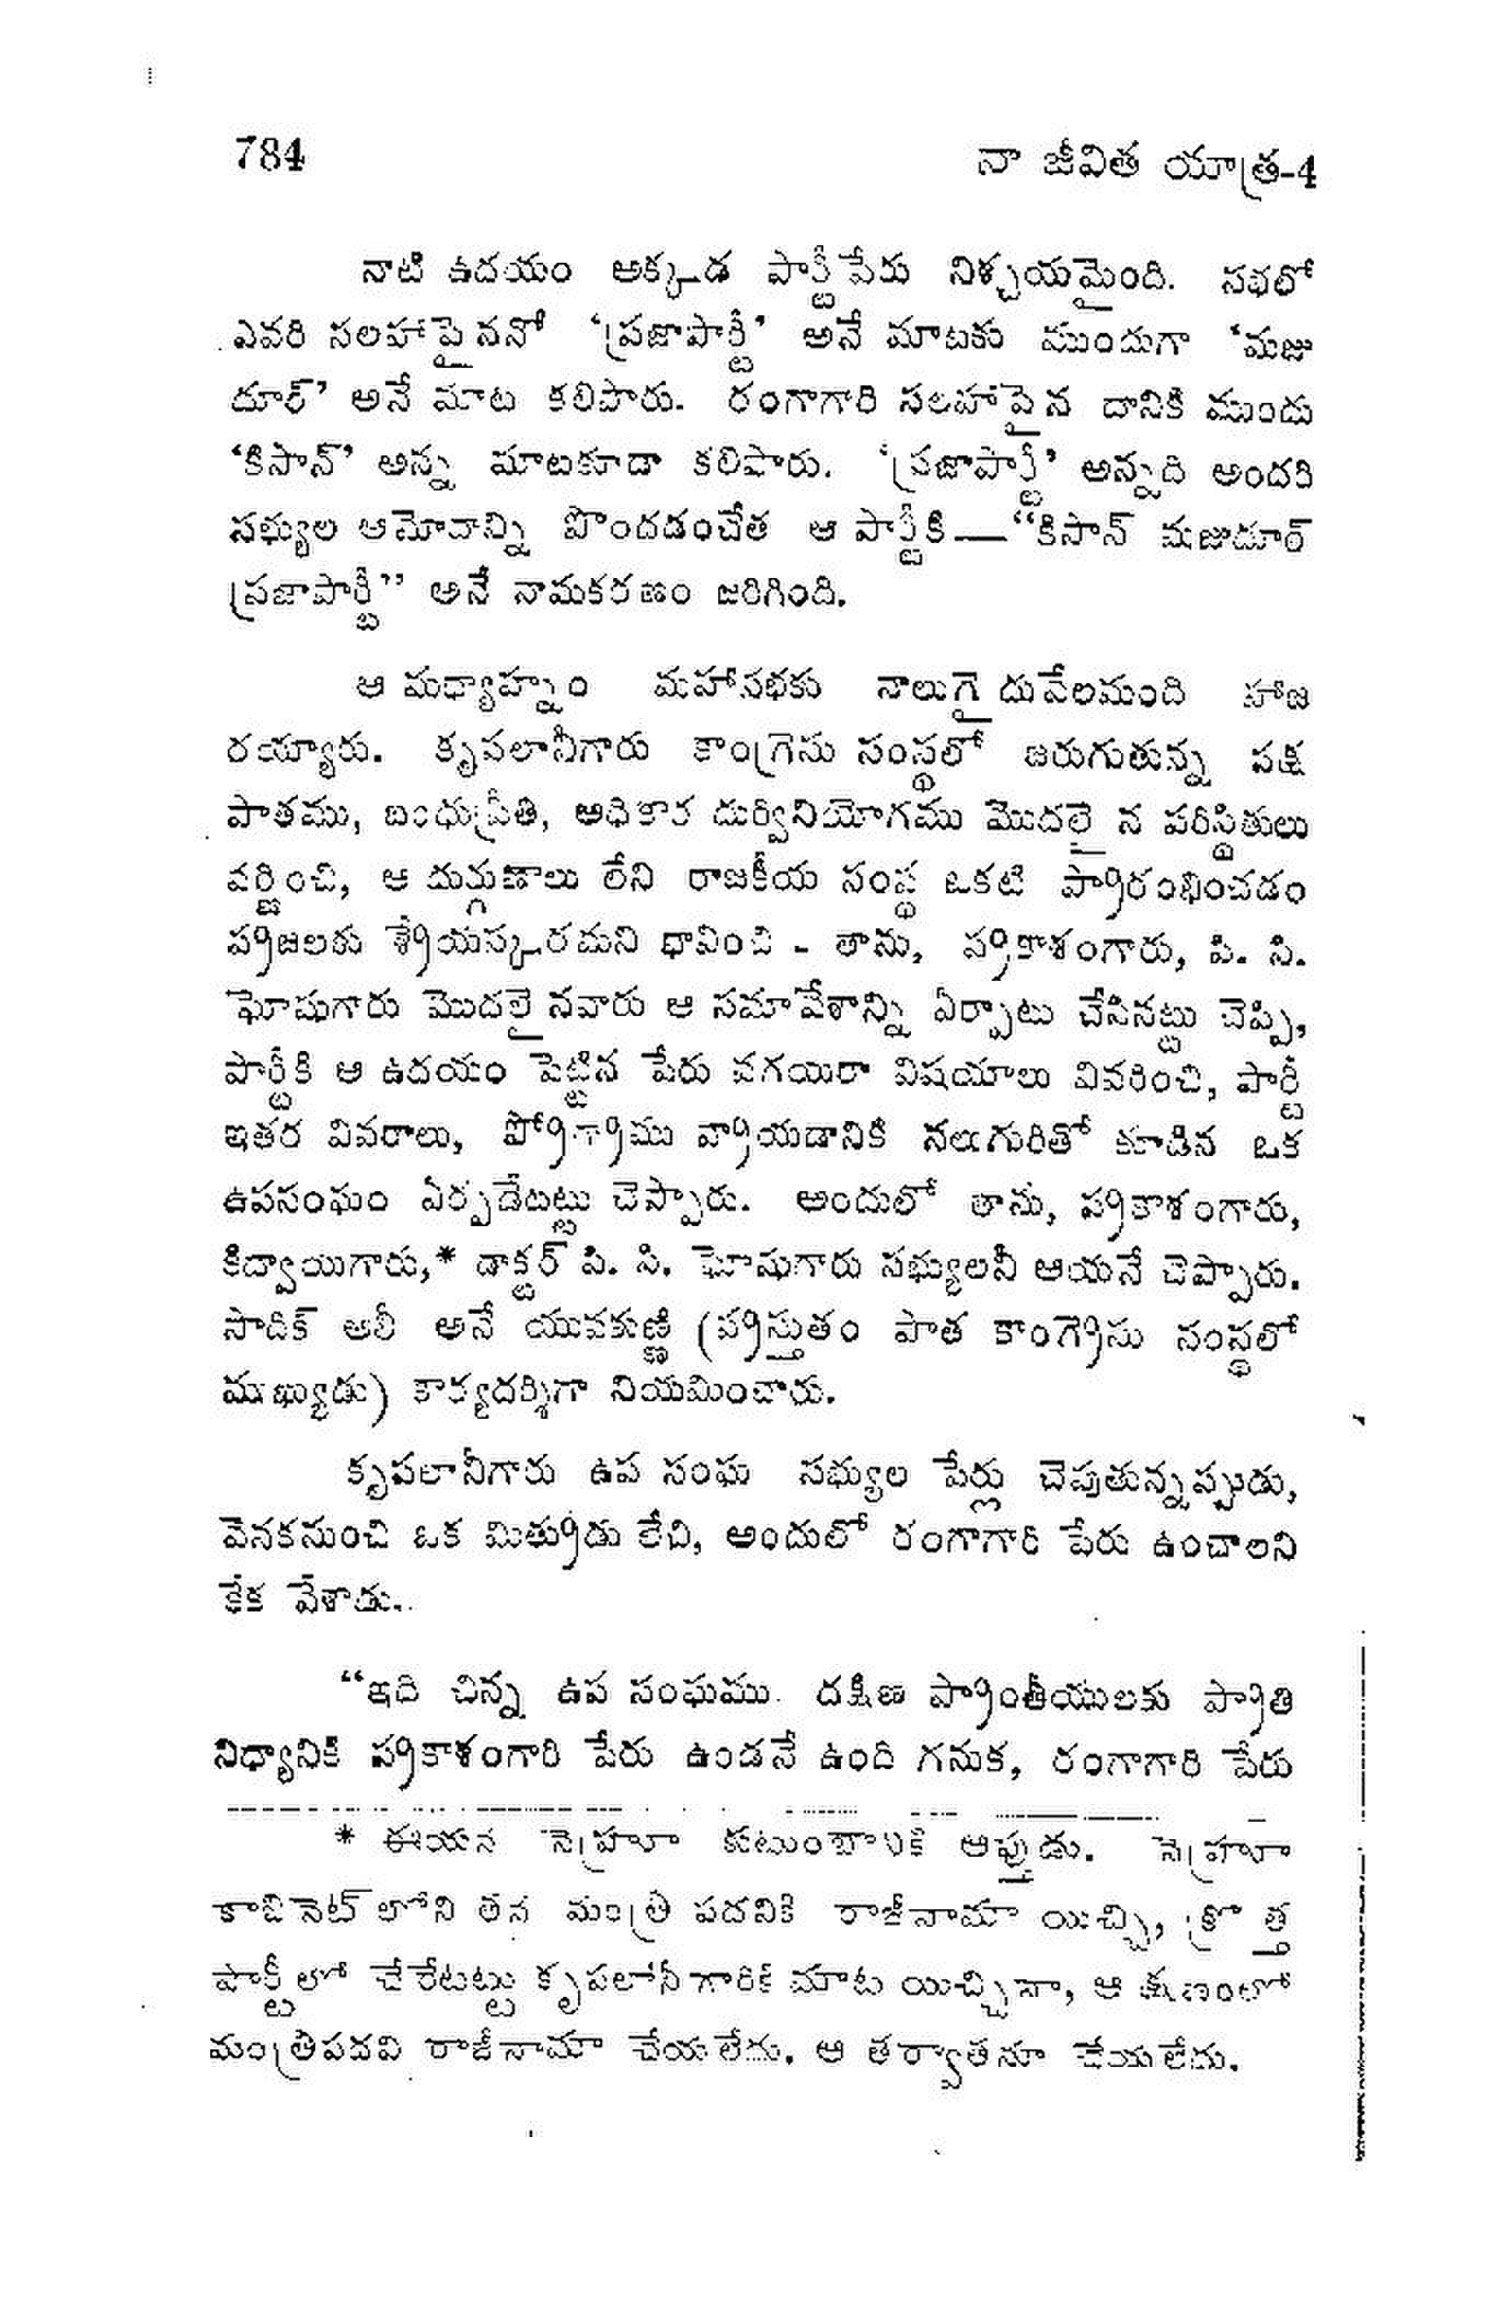నాటి ఉదయం అక్కడ పార్టీపేరు నిశ్చయమైంది. సభలో ఎవరి సలహాపైననో 'ప్రజాపార్టీ' అనే మాటకు ముందుగా 'మజుదూర్‌' అనే మాట కలిపారు. రంగాగారి సలహాపైన దానికి ముందు 'కిసాన్‌' అన్న మాటకూడా కలిపారు. 'ప్రజాపార్టీ' అన్నది అందరి సభ్యుల ఆమోదాన్ని పొందడంచేత ఆ పార్టీకి - "కిసాన్ మజుదూర్ ప్రజాపార్టీ" అనే నామకరణం జరిగింది.

ఆ మధ్యాహ్నం మహాసభకు నాలుగైదువేలమంది హాజరయ్యారు. కృపాలానీగారు కాంగ్రెసు సంస్థలో జరుగుతున్న పక్షపాతము, బంధుప్రీతి, అధికార దుర్వినియోగము మొదలైన పరిస్థితులు వర్ణించి, ఆ దుర్గుణాలు లేని రాజకీయ సంస్థ ఒకటి ప్రారంభించడం ప్రజలకు శ్రేయస్కరమని భావించి - తాను, ప్రకాశంగారు, పి.సి.ఘోషుగారు మొదలైనవారు ఆ సమావేశాన్ని ఏర్పాటు చేసినట్టు చెప్పి, పార్టీకి ఆ ఉదయం పెట్టిన పేరు వగయిరా విషయాలు వివరించి, పార్టీ ఇతర వివరాలు, ప్రోగ్రాము వ్రాయడానికి నలుగురితో కూడిన ఒక ఉపసంఘం ఏర్పడేటట్టు చెప్పారు. అందులో తాను, ప్రకాశంగారు, కిద్వాయిగారు, డాక్టర్ పి.సి. ఘోషుగారు సభ్యులనీ ఆయనే చెప్పారు. సాదిక్ అలీ అనే యువకుణ్ణి (ప్రస్తుతం పాత కాంగ్రెసు సంస్థలో ముఖ్యుడు) కార్యదర్శిగా నియమించారు.

కృపలానీగారు ఉప సంఘ సభ్యుల పేర్లు చెపుతున్నప్పుడు, వెనకనుంచి ఒక మిత్రుడు లేచి, అందులో రంగాగారి పేరు ఉండాలని కేక వేశాడు.

"ఇది చిన్న ఉప సంఘము. దక్షిణ ప్రాంతీయులకు ప్రాతినిధ్యానికి ప్రకాశంగారి పేరు ఉండనే ఉంది గనుక, రంగాగారి పేరు